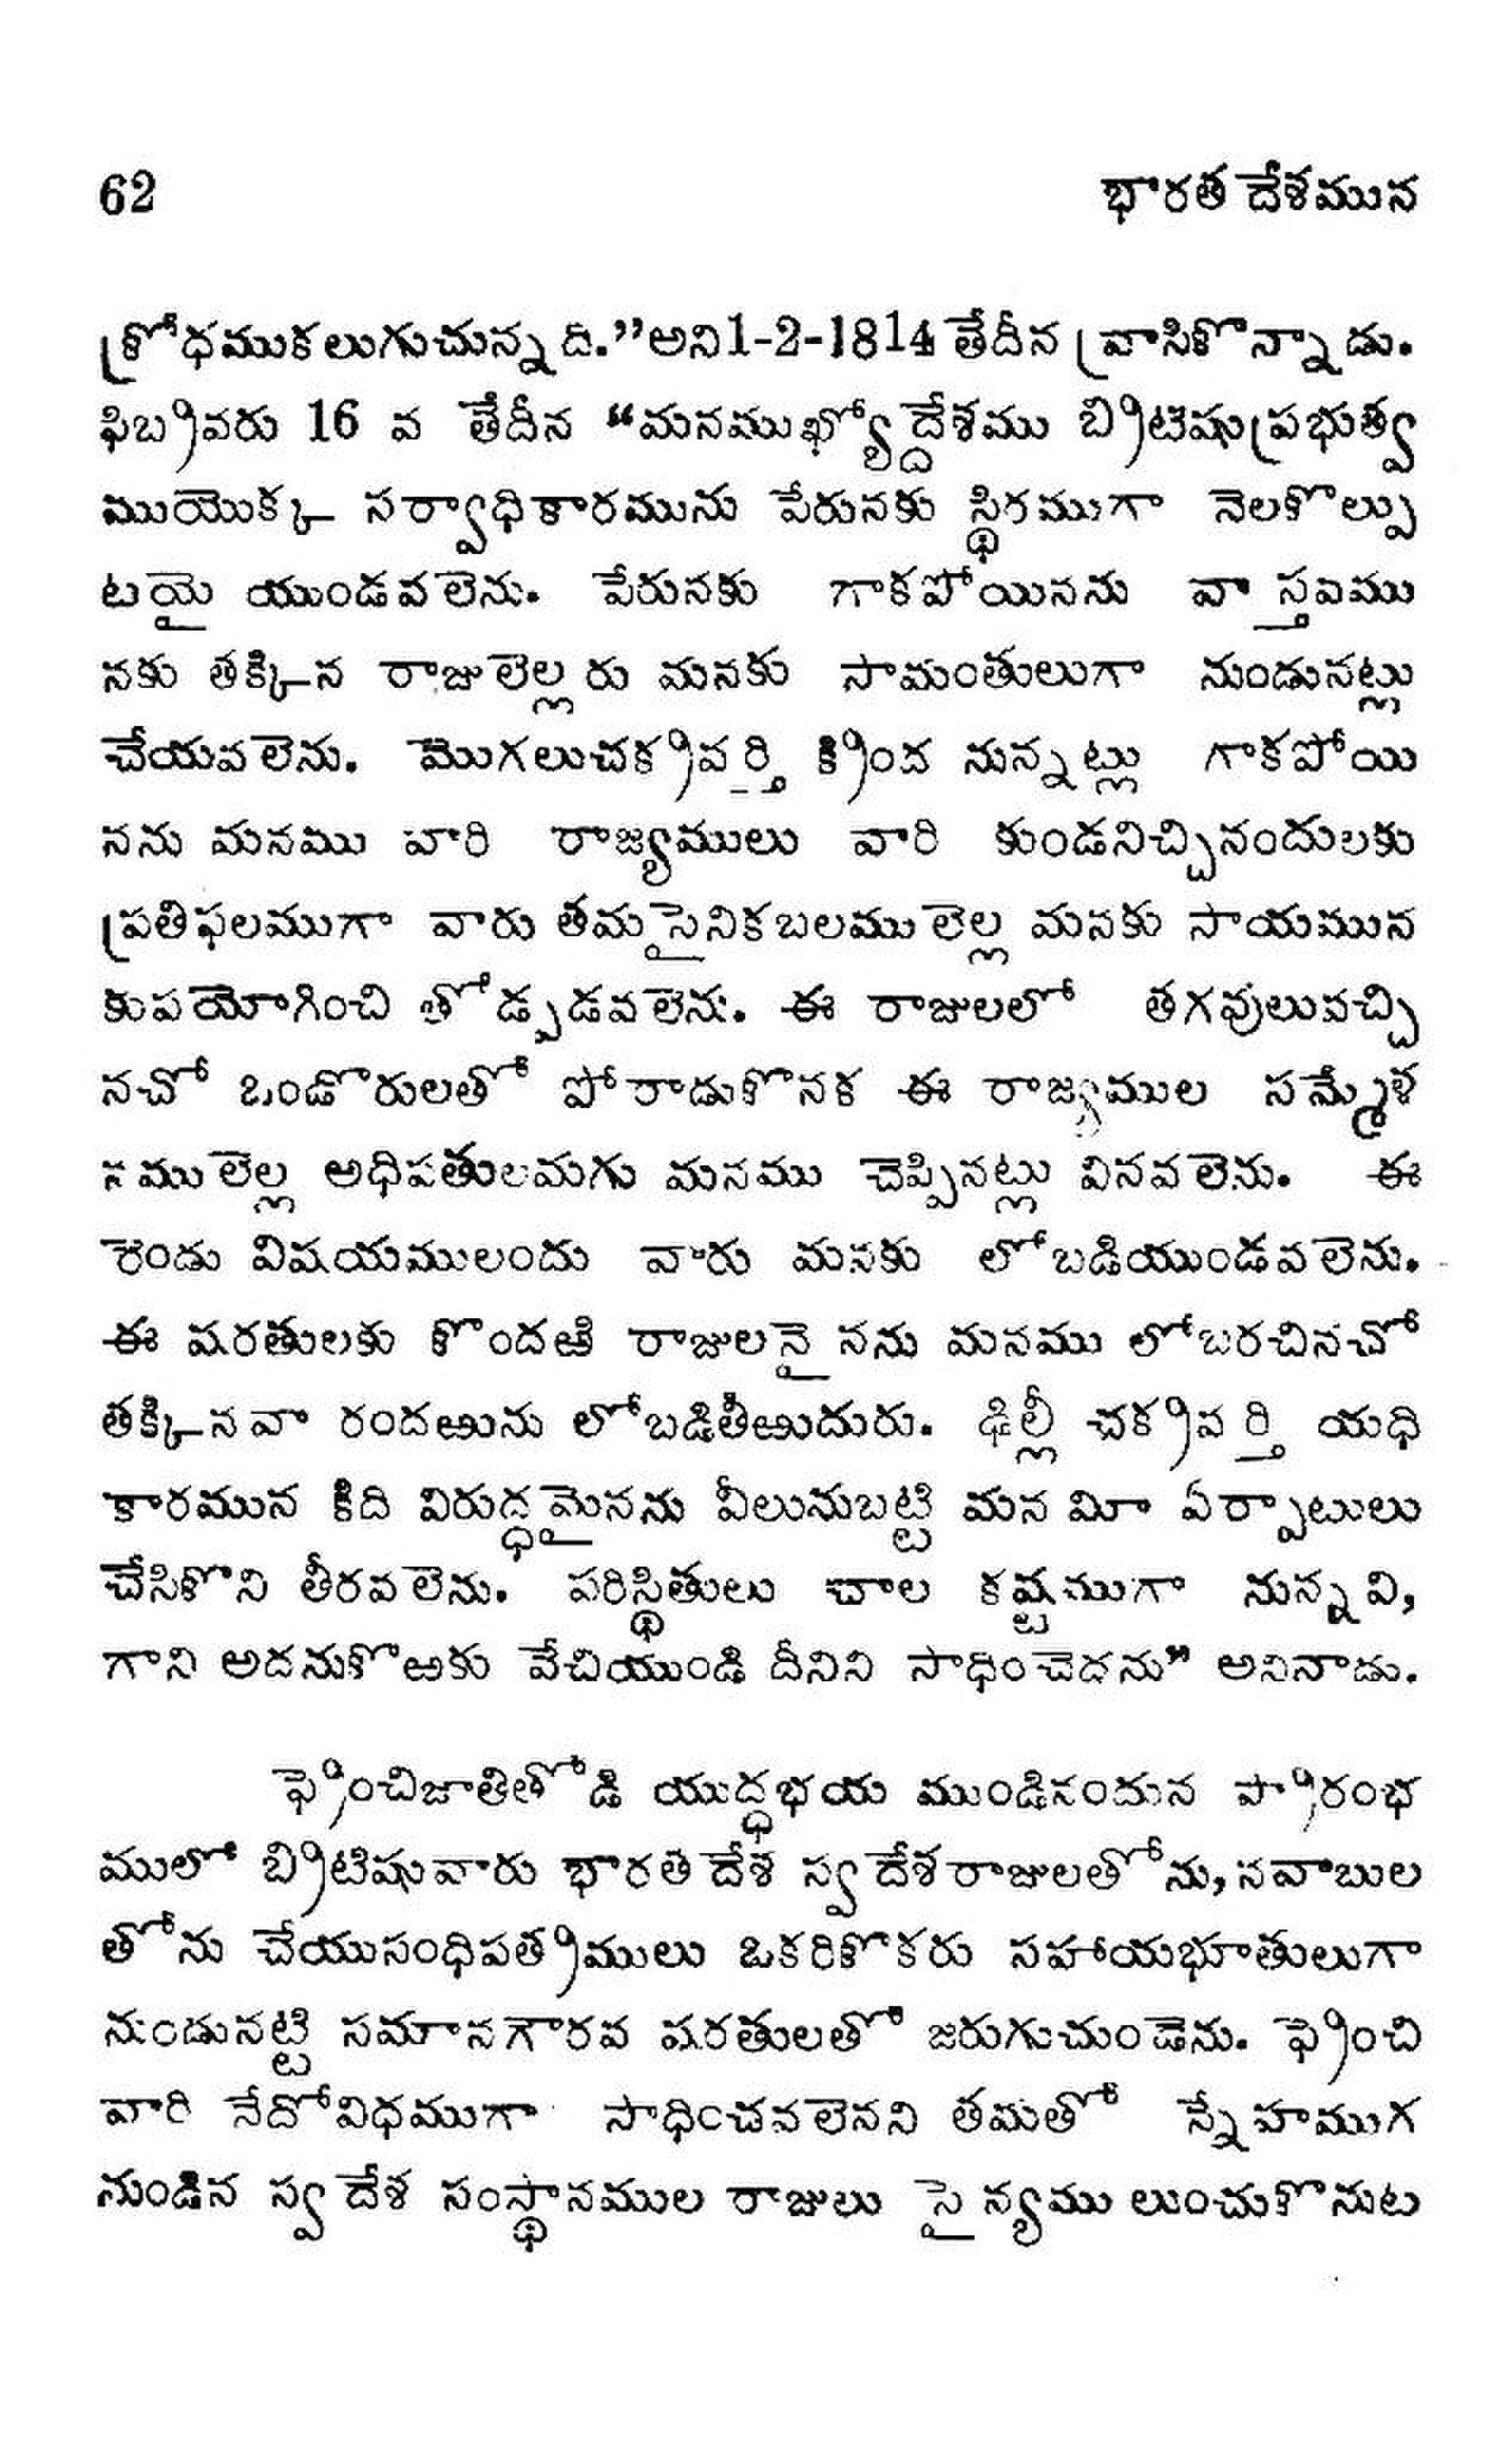క్రోధముకలుగుచున్నది.” అని 1-2-1814 తేదీన వ్రాసికొన్నాడు. ఫిబ్రవరు 16 వ తేదీన “మనముఖ్యోద్దేశము బ్రిటిషుప్రభుత్వముయొక్క సర్వాధికారమును పేరునకు స్థిరముగా నెలకొల్పుటయై యుండవలెను. పేరునకు గాకపోయినను వాస్తవమునకు తక్కిన రాజులెల్లరు మనకు సామంతులుగా నుండునట్లు చేయవలెను. మొగలుచక్రవర్తి క్రింద నున్నట్లు గాకపోయినను మనము వారి రాజ్యములు వారి కుండనిచ్చినందులకు ప్రతిఫలముగా వారు తమసైనికబలములెల్ల మనకు సాయమున కుపయోగించి తోడ్పడవలెను. ఈ రాజులలో తగవులువచ్చినచో ఒండొరులతో పోరాడుకొనక ఈ రాజ్యముల సమ్మేళనములెల్ల అధిపతులమగు మనము చెప్పినట్లు వినవలెను. ఈ రెండు విషయములందు వారు మనకు లోబడియుండవలెను. ఈ షరతులకు కొందఱి రాజులనై నను మనము లోబరచినచో తక్కినవా రందఱును లోబడితీఱుదురు. ఢిల్లీ చక్రవర్తి యధికారమున కిది విరుద్ధమైనను వీలునుబట్టి మన మీ ఏర్పాటులు చేసికొని తీరవలెను. పరిస్థితులు చాల కష్టముగా నున్నవి, గాని అదనుకొఱకు వేచియుండి దీనిని సాధించెదను" అనినాడు.

ఫ్రెంచిజాతితోడి యుద్ధభయ ముండినందున ప్రారంభములో బ్రిటిషువారు భారతదేశ స్వదేశరాజులతోను, నవాబులతోను చేయుసంధిపత్రములు ఒకరికొకరు సహాయభూతులుగా నుండునట్టి సమానగౌరవ షరతులతో జరుగుచుండెను. ఫ్రెంచివారి నేదోవిధముగా సాధించవలెనని తమతో స్నేహముగ నుండిన స్వదేశ సంస్థానముల రాజులు సైన్యము లుంచుకొనుట